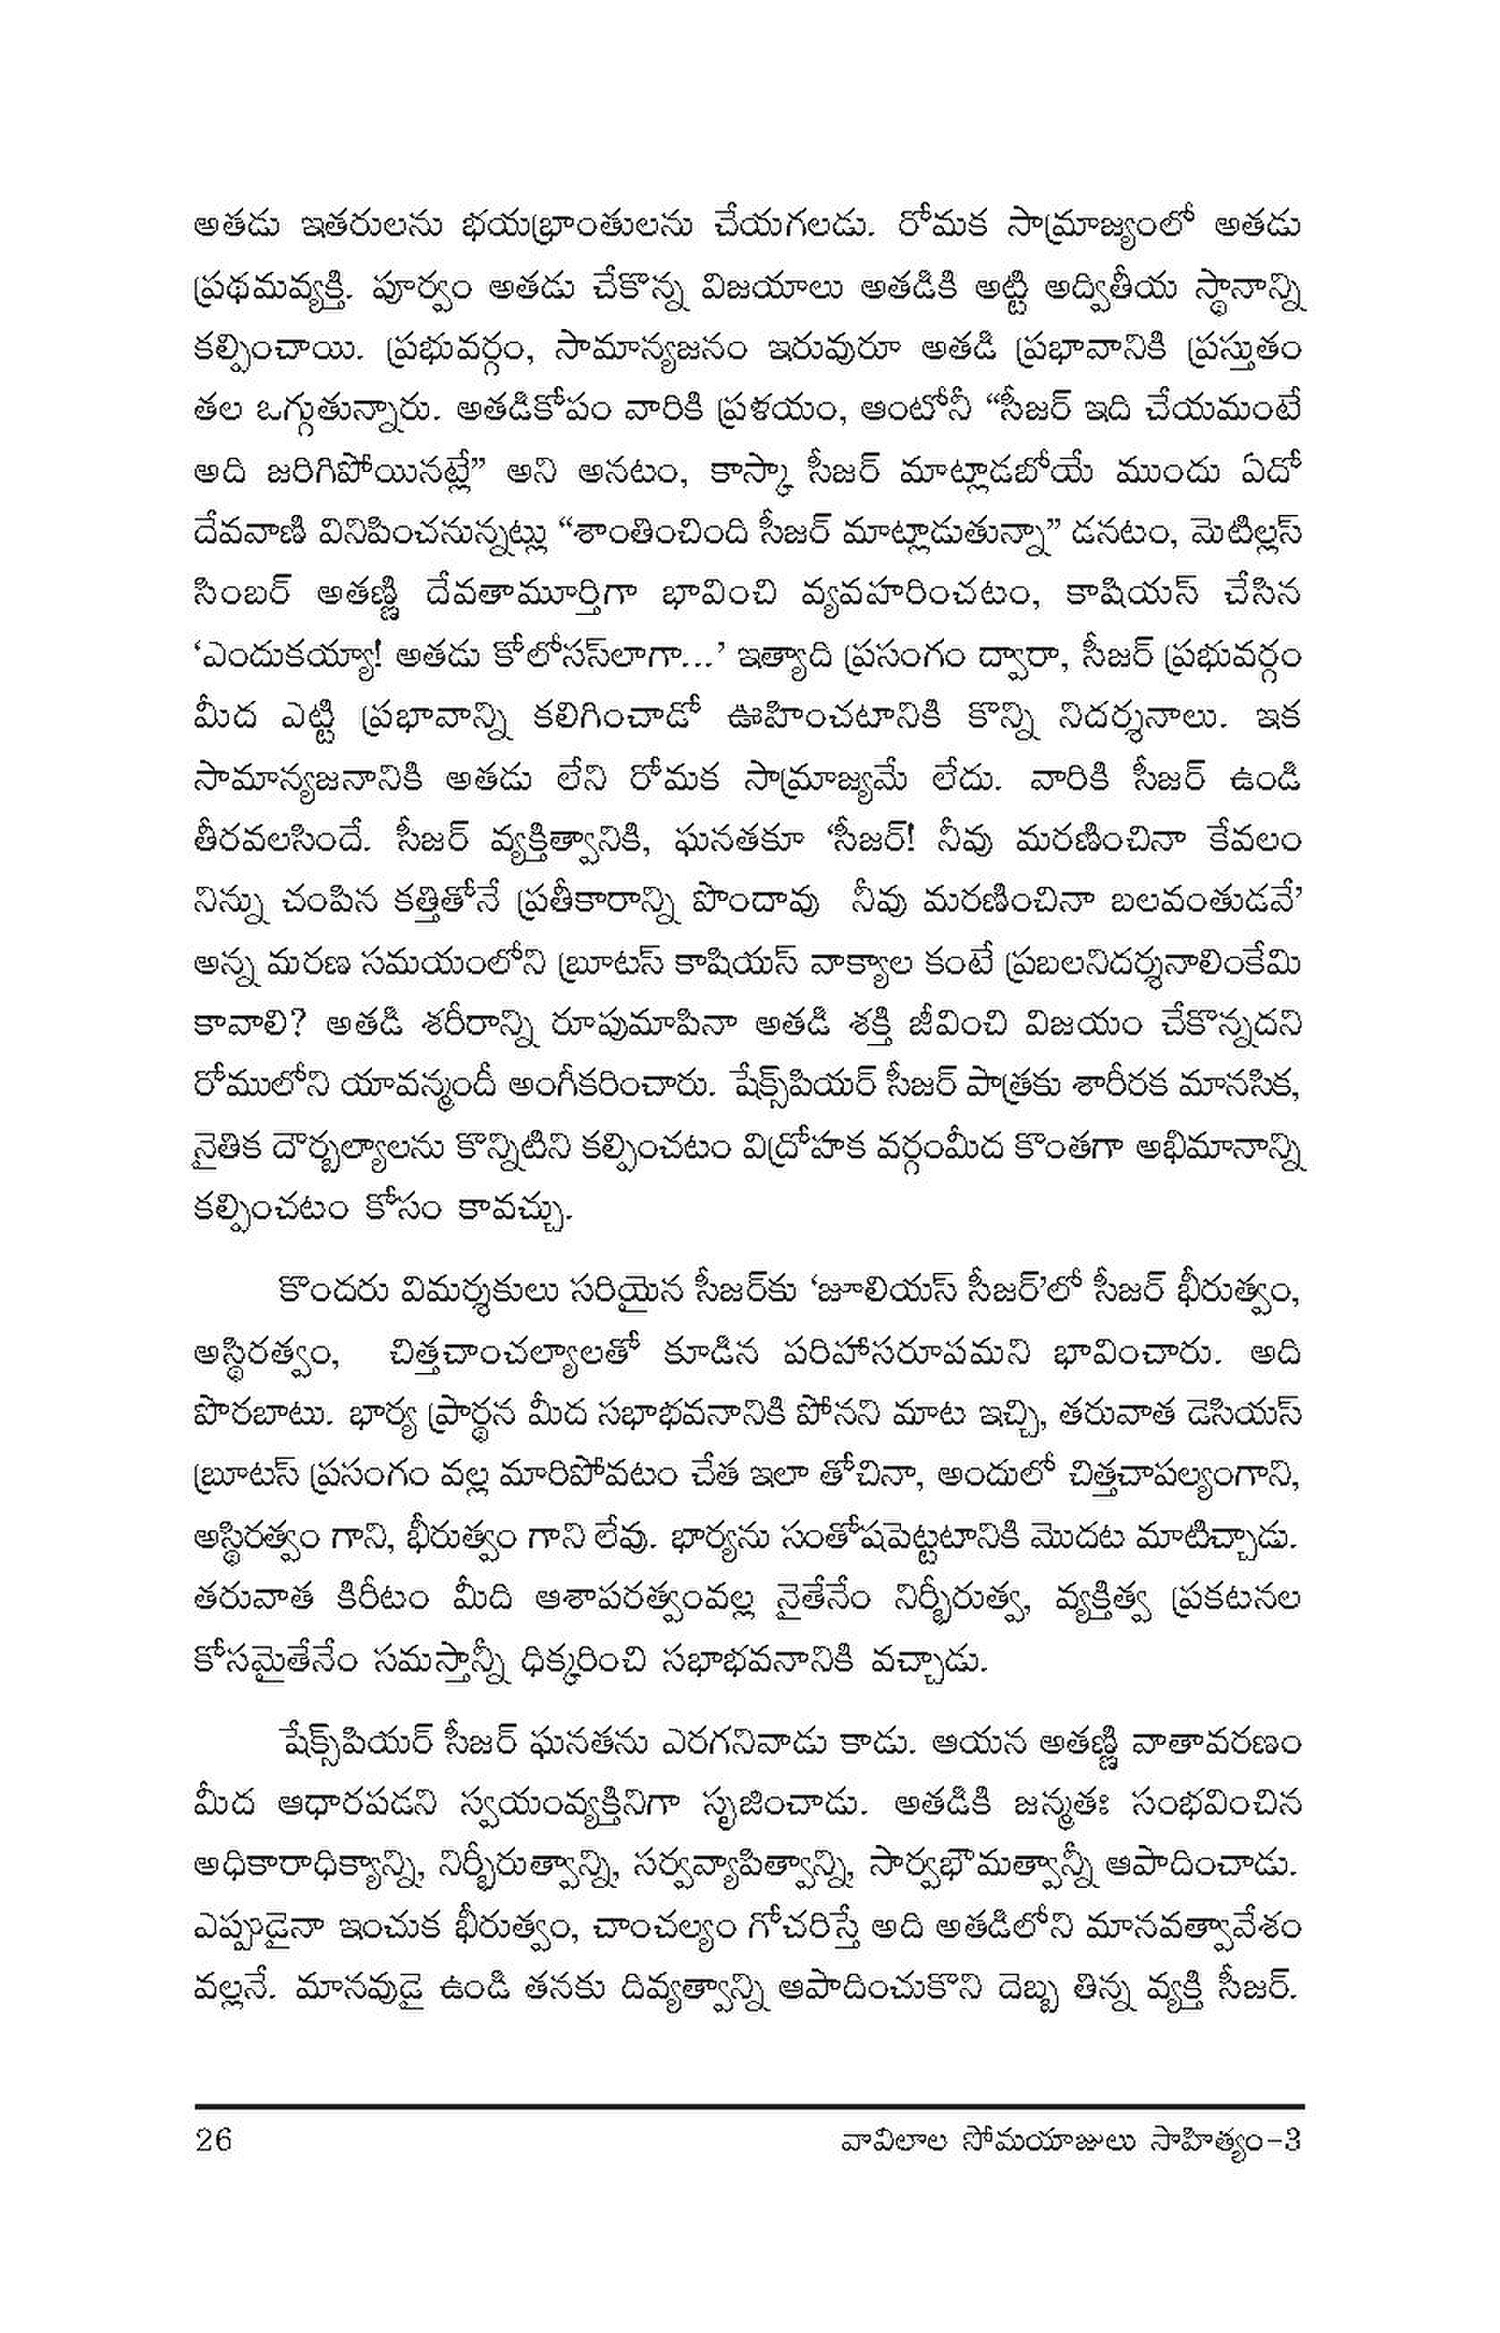అతడు ఇతరులను భయభ్రాంతులను చేయగలడు. రోమక సామ్రాజ్యంలో అతడు ప్రథమవ్యక్తి. పూర్వం అతడు చేకొన్న విజయాలు అతడికి అట్టి అద్వితీయ స్థానాన్ని కల్పించాయి. ప్రభువర్గం, సామాన్యజనం ఇరువురూ అతడి ప్రభావానికి ప్రస్తుతం తల ఒగ్గుతున్నారు. అతడికోపం వారికి ప్రళయం, ఆంటోనీ "సీజర్ ఇది చేయమంటే అది జరిగిపోయినట్లే” అని అనటం, కాస్కా సీజర్ మాట్లాడబోయే ముందు ఏదో దేవవాణి వినిపించనున్నట్లు "శాంతించింది సీజర్ మాట్లాడుతున్నా" డనటం, మెటిల్లస్ సింబర్ అతణ్ణి దేవతామూర్తిగా భావించి వ్యవహరించటం, కాషియస్ చేసిన 'ఎందుకయ్యా! అతడు కోలోసస్ లాగా...' ఇత్యాది ప్రసంగం ద్వారా, సీజర్ ప్రభువర్గం మీద ఎట్టి ప్రభావాన్ని కలిగించాడో ఊహించటానికి కొన్ని నిదర్శనాలు. ఇక సామాన్యజనానికి అతడు లేని రోమక సామ్రాజ్యమే లేదు. వారికి సీజర్ ఉండి తీరవలసిందే. సీజర్ వ్యక్తిత్వానికి, ఘనతకూ 'సీజర్! నీవు మరణించినా కేవలం నిన్ను చంపిన కత్తితోనే ప్రతీకారాన్ని పొందావు నీవు మరణించినా బలవంతుడవే' అన్న మరణ సమయంలోని బ్రూటస్ కాషియస్ వాక్యాల కంటే ప్రబలనిదర్శనాలింకేమి
కావాలి? అతడి శరీరాన్ని రూపుమాపినా అతడి శక్తి జీవించి విజయం చేకొన్నదని రోములోని యావన్మందీ అంగీకరించారు. షేక్స్పియర్ సీజర్ పాత్రకు శారీరక మానసిక, నైతిక దౌర్బల్యాలను కొన్నిటిని కల్పించటం విద్రోహక వర్గంమీద కొంతగా అభిమానాన్ని కల్పించటం కోసం కావచ్చు.

కొందరు విమర్శకులు సరియైన సీజర్కు 'జూలియస్ సీజర్' లో సీజర్ భీరుత్వం, అస్థిరత్వం, చిత్తచాంచల్యాలతో కూడిన పరిహాసరూపమని భావించారు. అది పొరబాటు. భార్య ప్రార్థన మీద సభాభవనానికి పోనని మాట ఇచ్చి, తరువాత డెసియస్
బ్రూటస్ ప్రసంగం వల్ల మారిపోవటం చేత ఇలా తోచినా, అందులో చిత్తచాపల్యంగాని, అస్థిరత్వం గాని, భీరుత్వం గాని లేవు. భార్యను సంతోషపెట్టటానికి మొదట మాటిచ్చాడు. తరువాత కిరీటం మీది ఆశాపరత్వంవల్ల నైతేనేం నిర్భీరుత్వ, వ్యక్తిత్వ ప్రకటనల కోసమైతేనేం సమస్తాన్నీ ధిక్కరించి సభాభవనానికి వచ్చాడు.

షేక్స్పియర్ సీజర్ ఘనతను ఎరగనివాడు కాడు. ఆయన అతణ్ణి వాతావరణం మీద ఆధారపడని స్వయంవ్యక్తినిగా సృజించాడు. అతడికి జన్మతః సంభవించిన అధికారాధిక్యాన్ని, నిర్భీరుత్వాన్ని, సర్వవ్యాపిత్వాన్ని, సార్వభౌమత్వాన్నీ ఆపాదించాడు. ఎప్పుడైనా ఇంచుక భీరుత్వం, చాంచల్యం గోచరిస్తే అది అతడిలోని మానవత్వావేశం వల్లనే. మానవుడై ఉండి తనకు దివ్యత్వాన్ని ఆపాదించుకొని దెబ్బ తిన్న వ్యక్తి సీజర్.